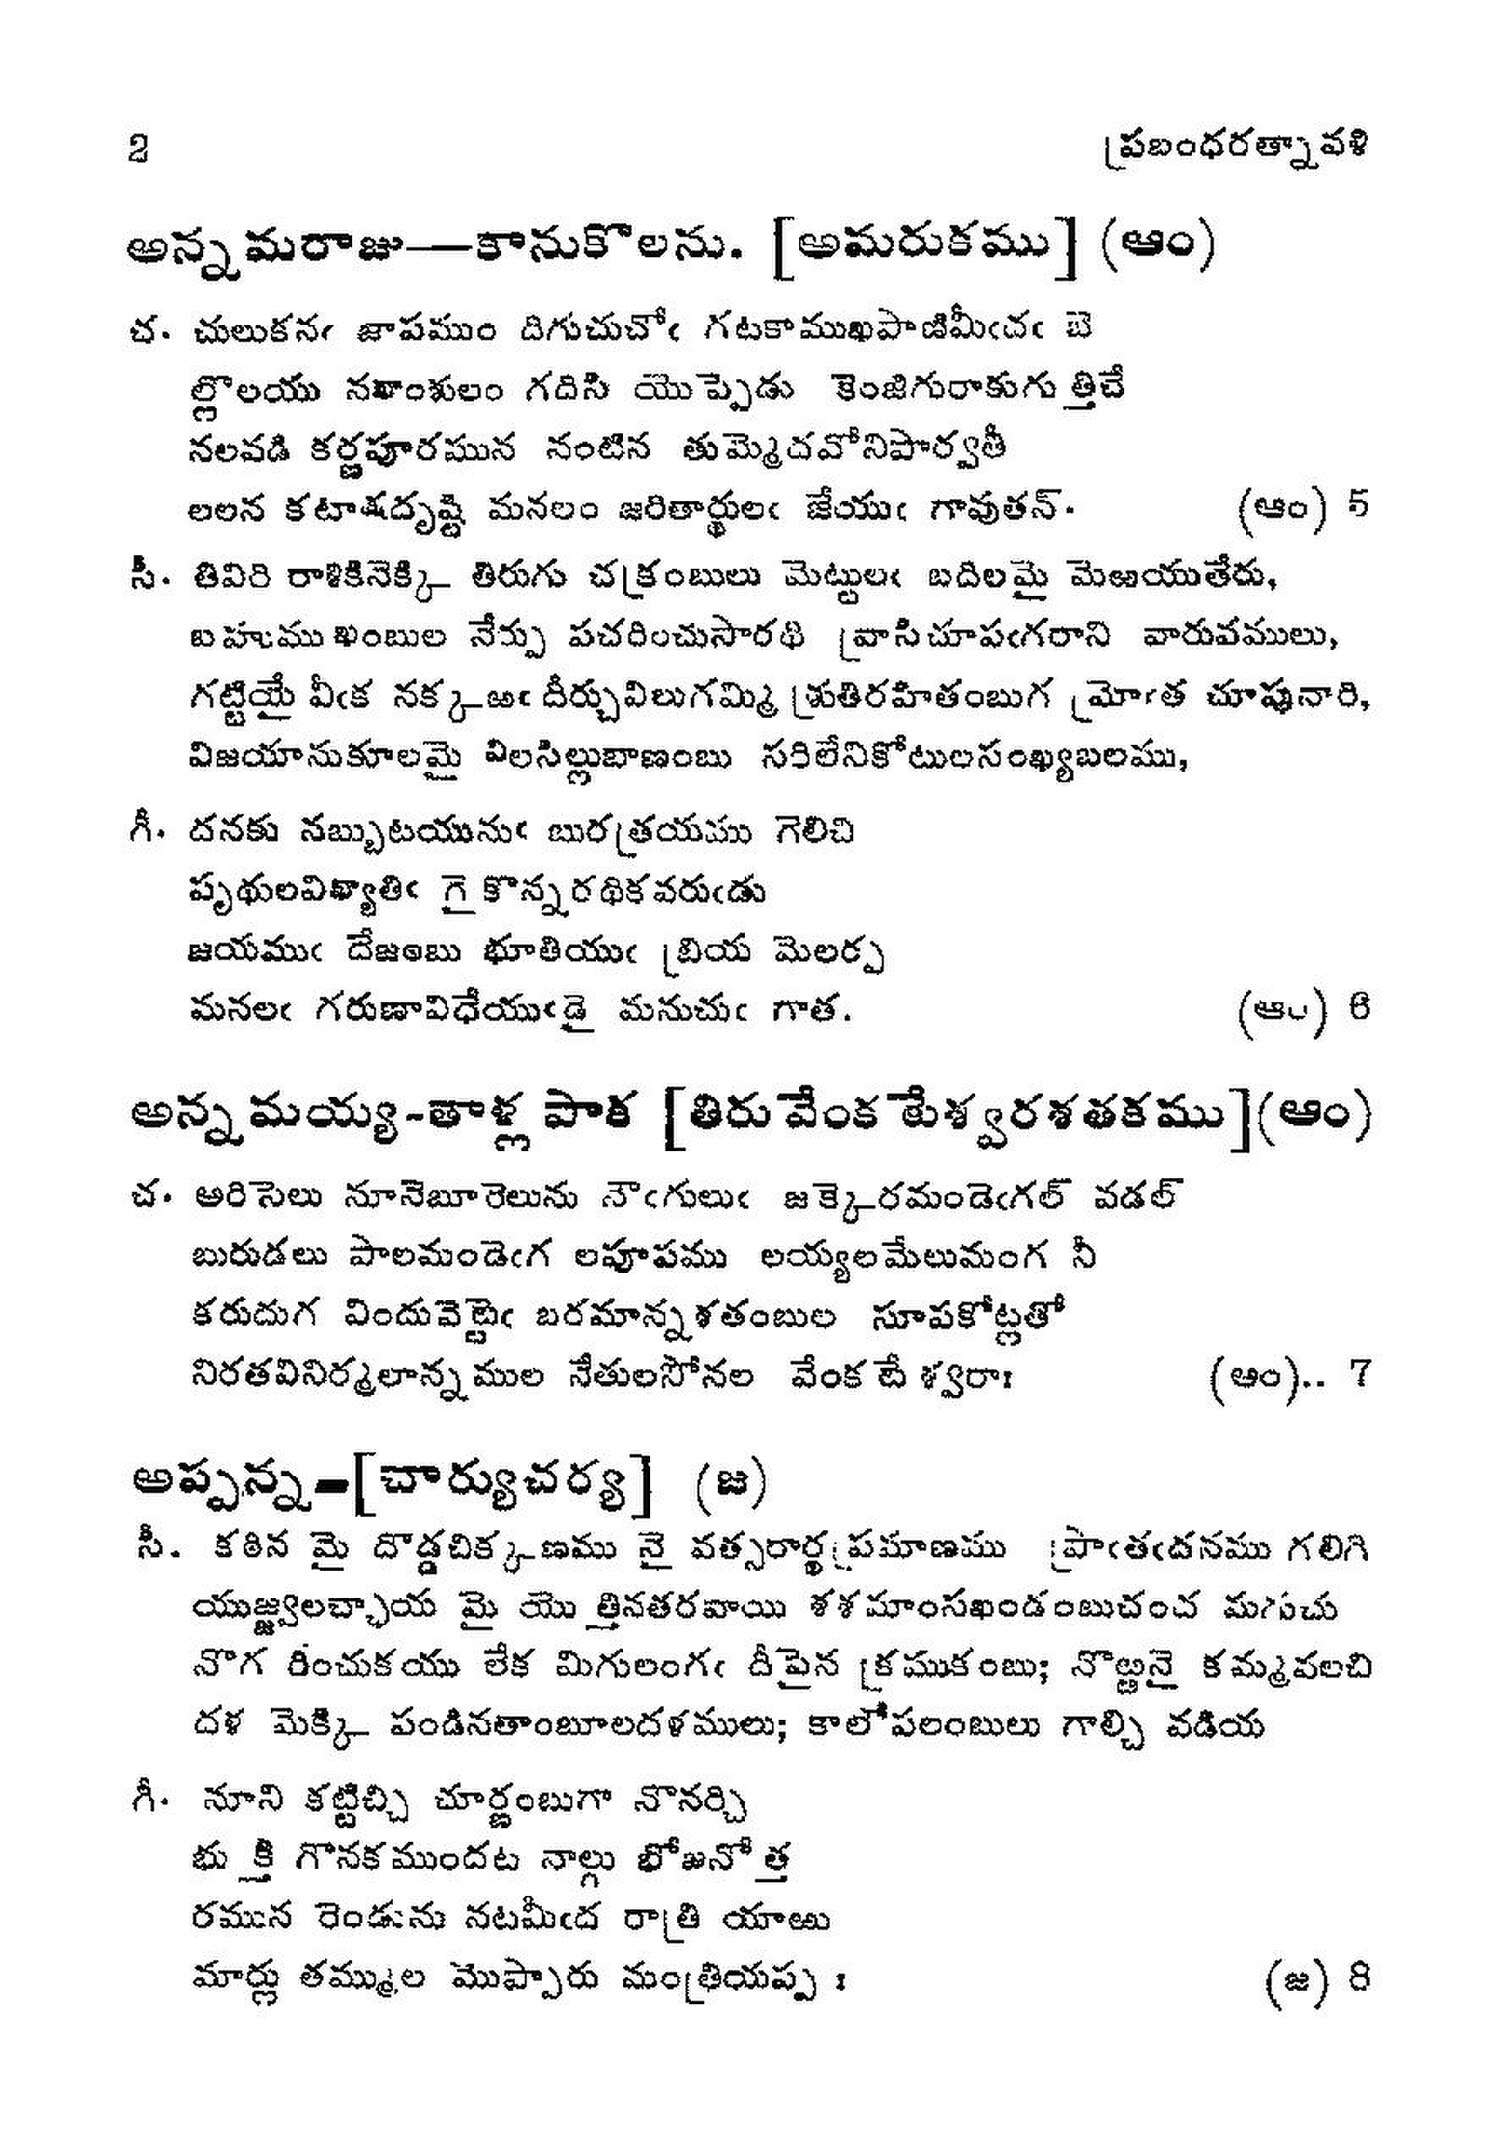అన్నమరాజు, కానుకొలను [అమరుకము] (ఆం)
చ. చులుకనఁ జాపముం దిగుచుచోఁ గటకాముఖపాణిమీఁదఁ బొ
ల్లొలయు నఖాంశులం గదిసి యొప్పెడు కెంజిగురాకుగుత్తిచే
నలవడి కర్ణపూరమున నంటిన తుమ్మెదవోని పార్వతీ
లలన కటాక్షదృష్టి మనలం జరితార్థులఁ జేయుఁ గావుతన్. (ఆం) 5

సీ. తివిరిరాశికి నెక్కి తిరుగు చక్రంబులు మెట్టులఁ బదిలమై మెఱయుతేరు,
బహుముఖంబుల నేర్పు పచరించుసారథి వ్రాసి చూపఁగరాని వారువములు,
గట్టియై వీఁక నక్కఱఁ దీర్చు విలుగమ్మి శ్రుతిహితంబుగ మ్రోఁత చూపునారి,
విజయానుకూలమై విలసిల్లుబాణంబు సరిలేనికోటుల సంఖ్యబలము,
గీ. దనకు నబ్బుటయునుఁ బురత్రయము గెలిచి
పృథుల విఖ్యాతిఁ గైకొన్న రథికవరుఁడు
జయముఁ దేజంబు భూతియుఁ బ్రియమెలర్ప
మనలఁ గరుణావిధేయుఁడై మనుచుగాత. (ఆం) 6

అన్నమయ్య, తాళ్ళపాక [తిరువేంకటేశ్వరశతకము]
చ. అరిసెలు నూనెబూరెలును నౌఁగులుఁ జక్కెరమండెఁగల్ వడల్
బురుడలు వాలమండెఁగ లపూపము లయ్యలమేలుమంగ నీ
కరుదుగ విందువెట్టెఁ బరమాన్నశతంబుల సూపకోట్లతో
నిరతవినిర్మలాన్నముల నేతులసోనల వేంకటేశ్వరా! (ఆం) 7

అప్పన్న [చారుచర్య] (జ)
సీ. కఠినమై దొడ్డచిక్కణమునై వత్సరా ర్థప్రమాణము ప్రాఁతఁదనము గలిగి
యుజ్జ్వలచ్ఛాయమై యొత్తినతరవాయి శశమాంసఖండంబు చంద మగుచు
నొగరించుకయు లేక మిగులంగఁ దీపైన క్రముకంబు; నొఱ్ఱనై కమ్మవలచి
దళమెక్కి పండినతాంబూలదళములు; కాలోపలంబులు గాల్చి వడియ
గీ. నూని కట్టిచ్చి చూర్ణంబుగా నొనర్చి
భుక్తి గొనక ముందట నాల్గు భోజనోత్త
రమున రెండును నటమీఁద రాత్రి యాఱు
మార్లు తమ్ముల మొప్పారు మంత్రియప్ప! (జ) 8